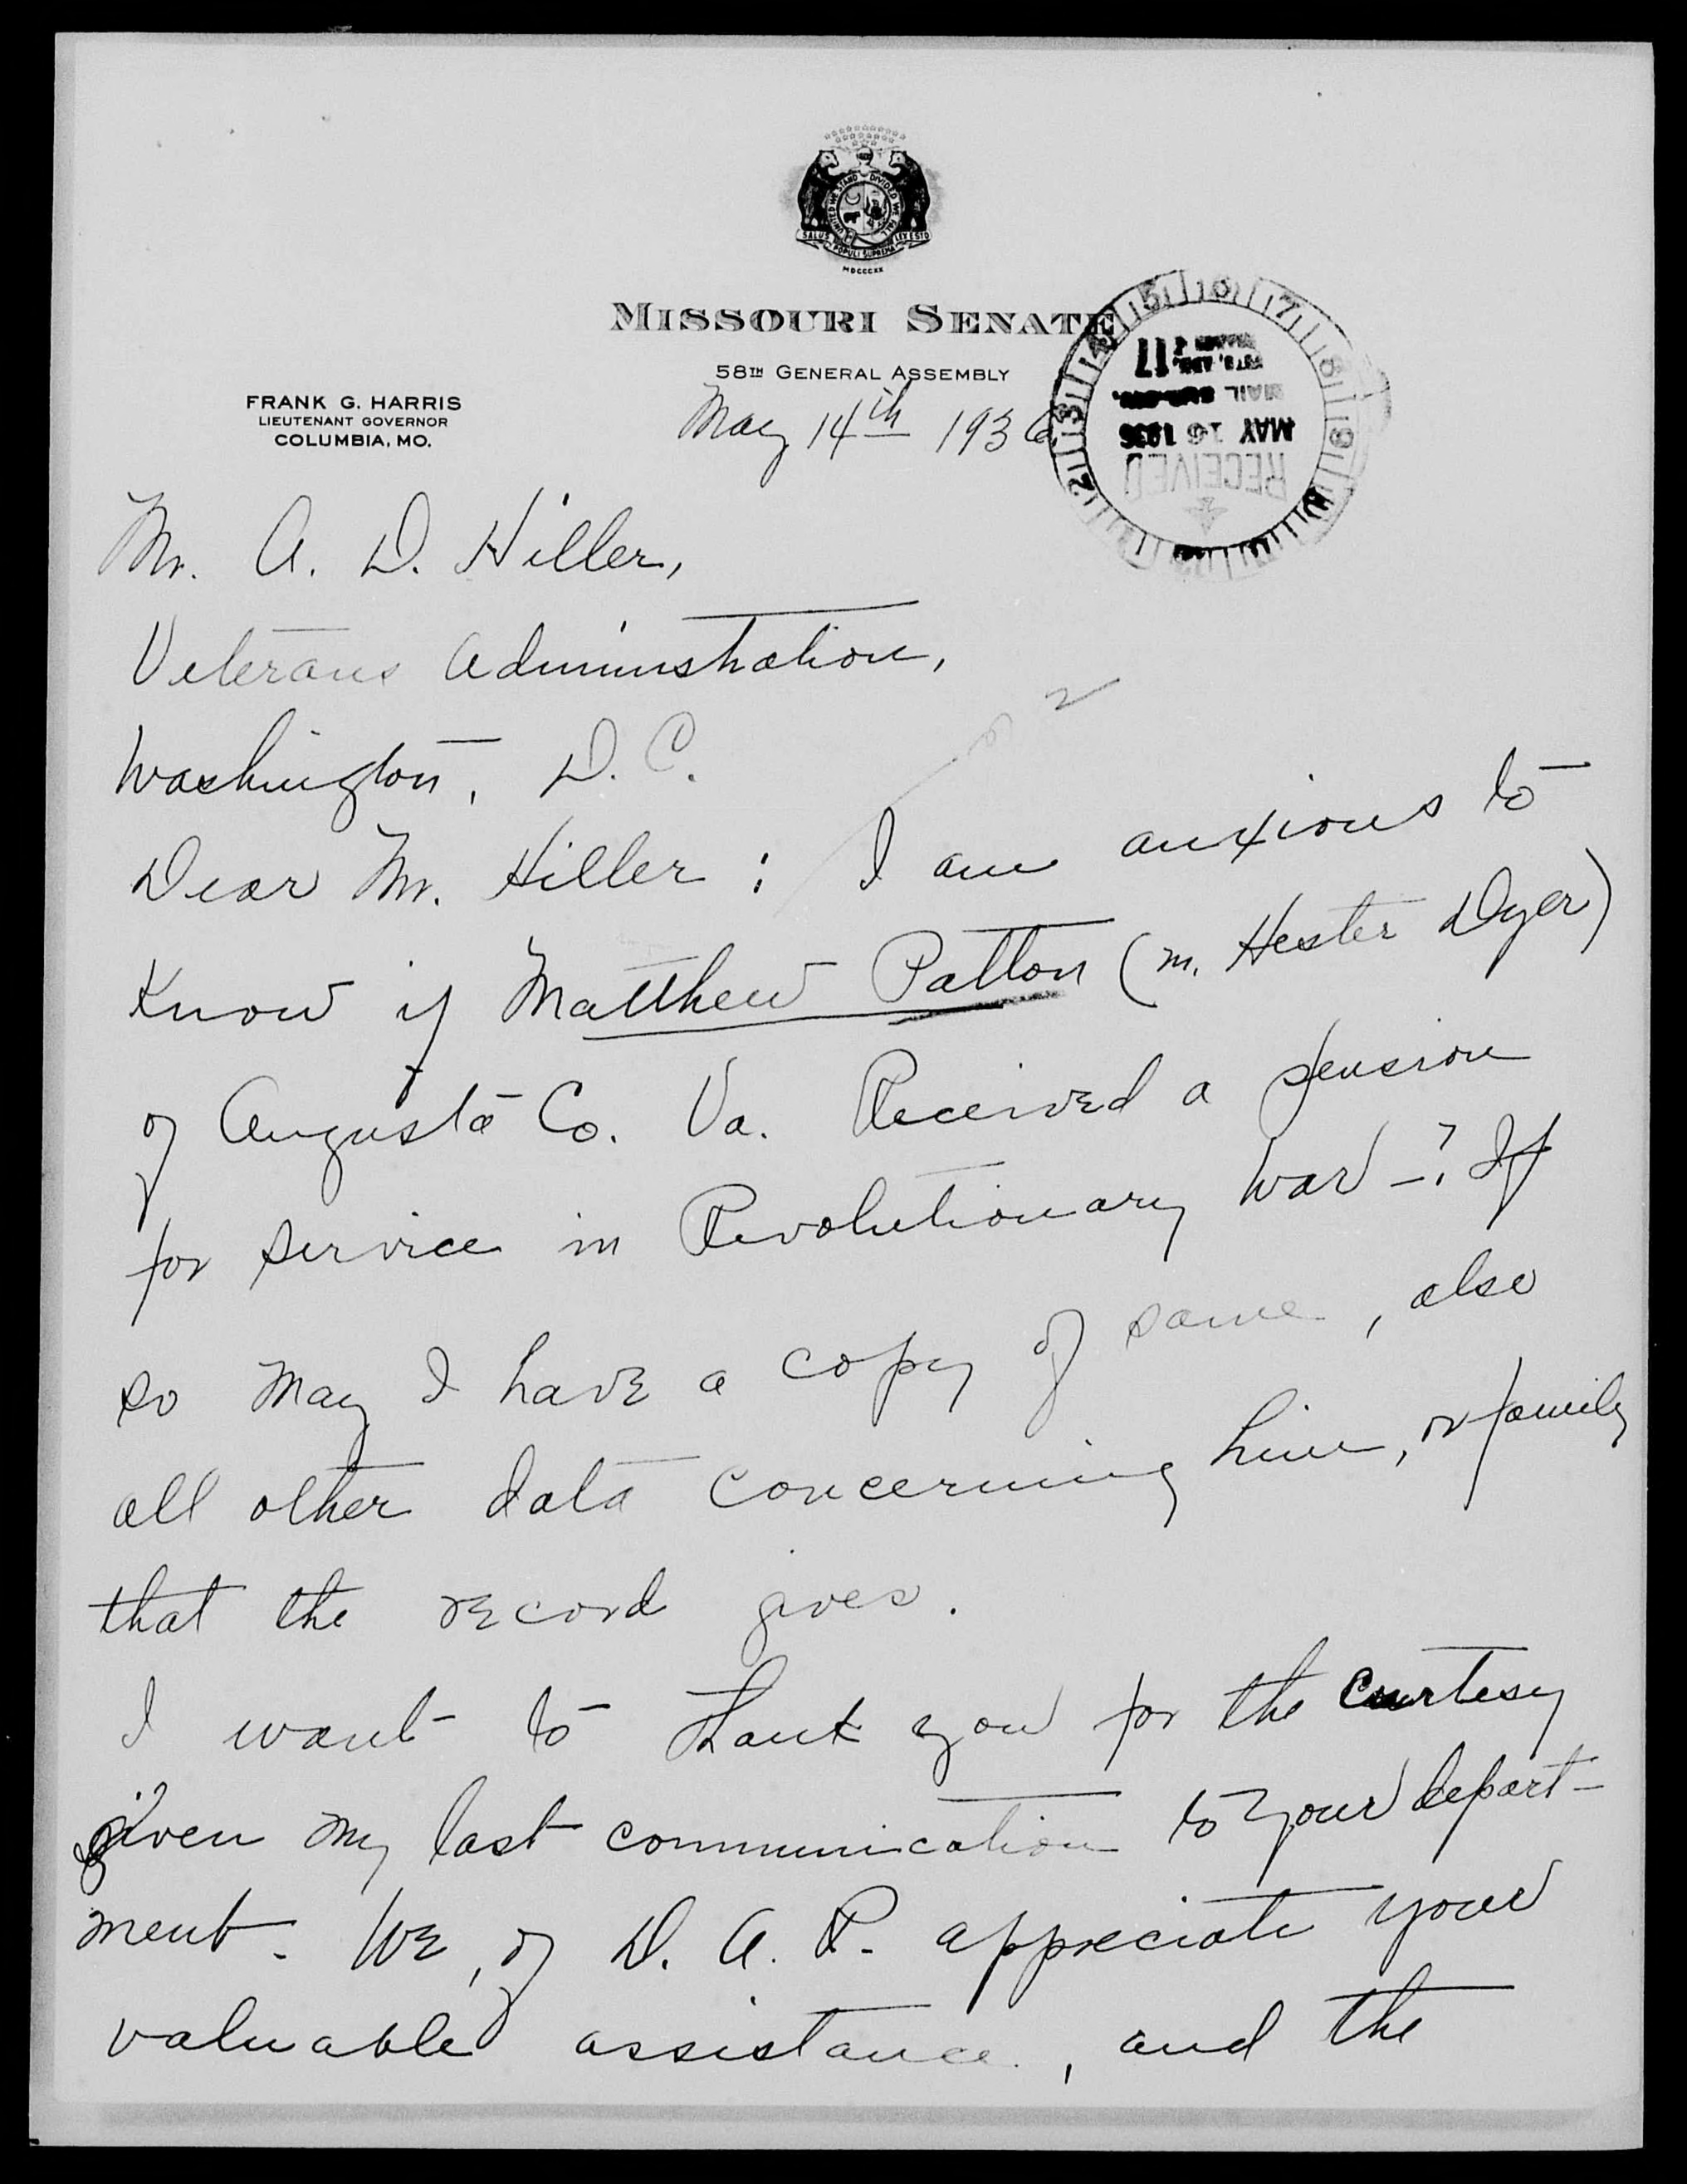Missouri Senate
567 General Assembly

Mr. A. D. Miller,
Veteran Administrator,
Washington, D.C.

Dear Mr. Miller,
I am anxious to know if Matthew Patton (my father's father) of Augusta Co., Va., received a pension for service in the Revolutionary War; if so, may I have a copy? I have also all other data concerning him, and would that the record gives.

I would be thankful for the courtesy given my last communication to your department. We, at M.D. & P., appreciate your valuable assistance, and the

Very truly,
Frank G. Harris
Senator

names: A D Hiller; Frank G Harris; Matthew Patton; Hester Dyer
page: 25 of 45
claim: survivor's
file: S. 31294, for Matthew Patton, Maryland